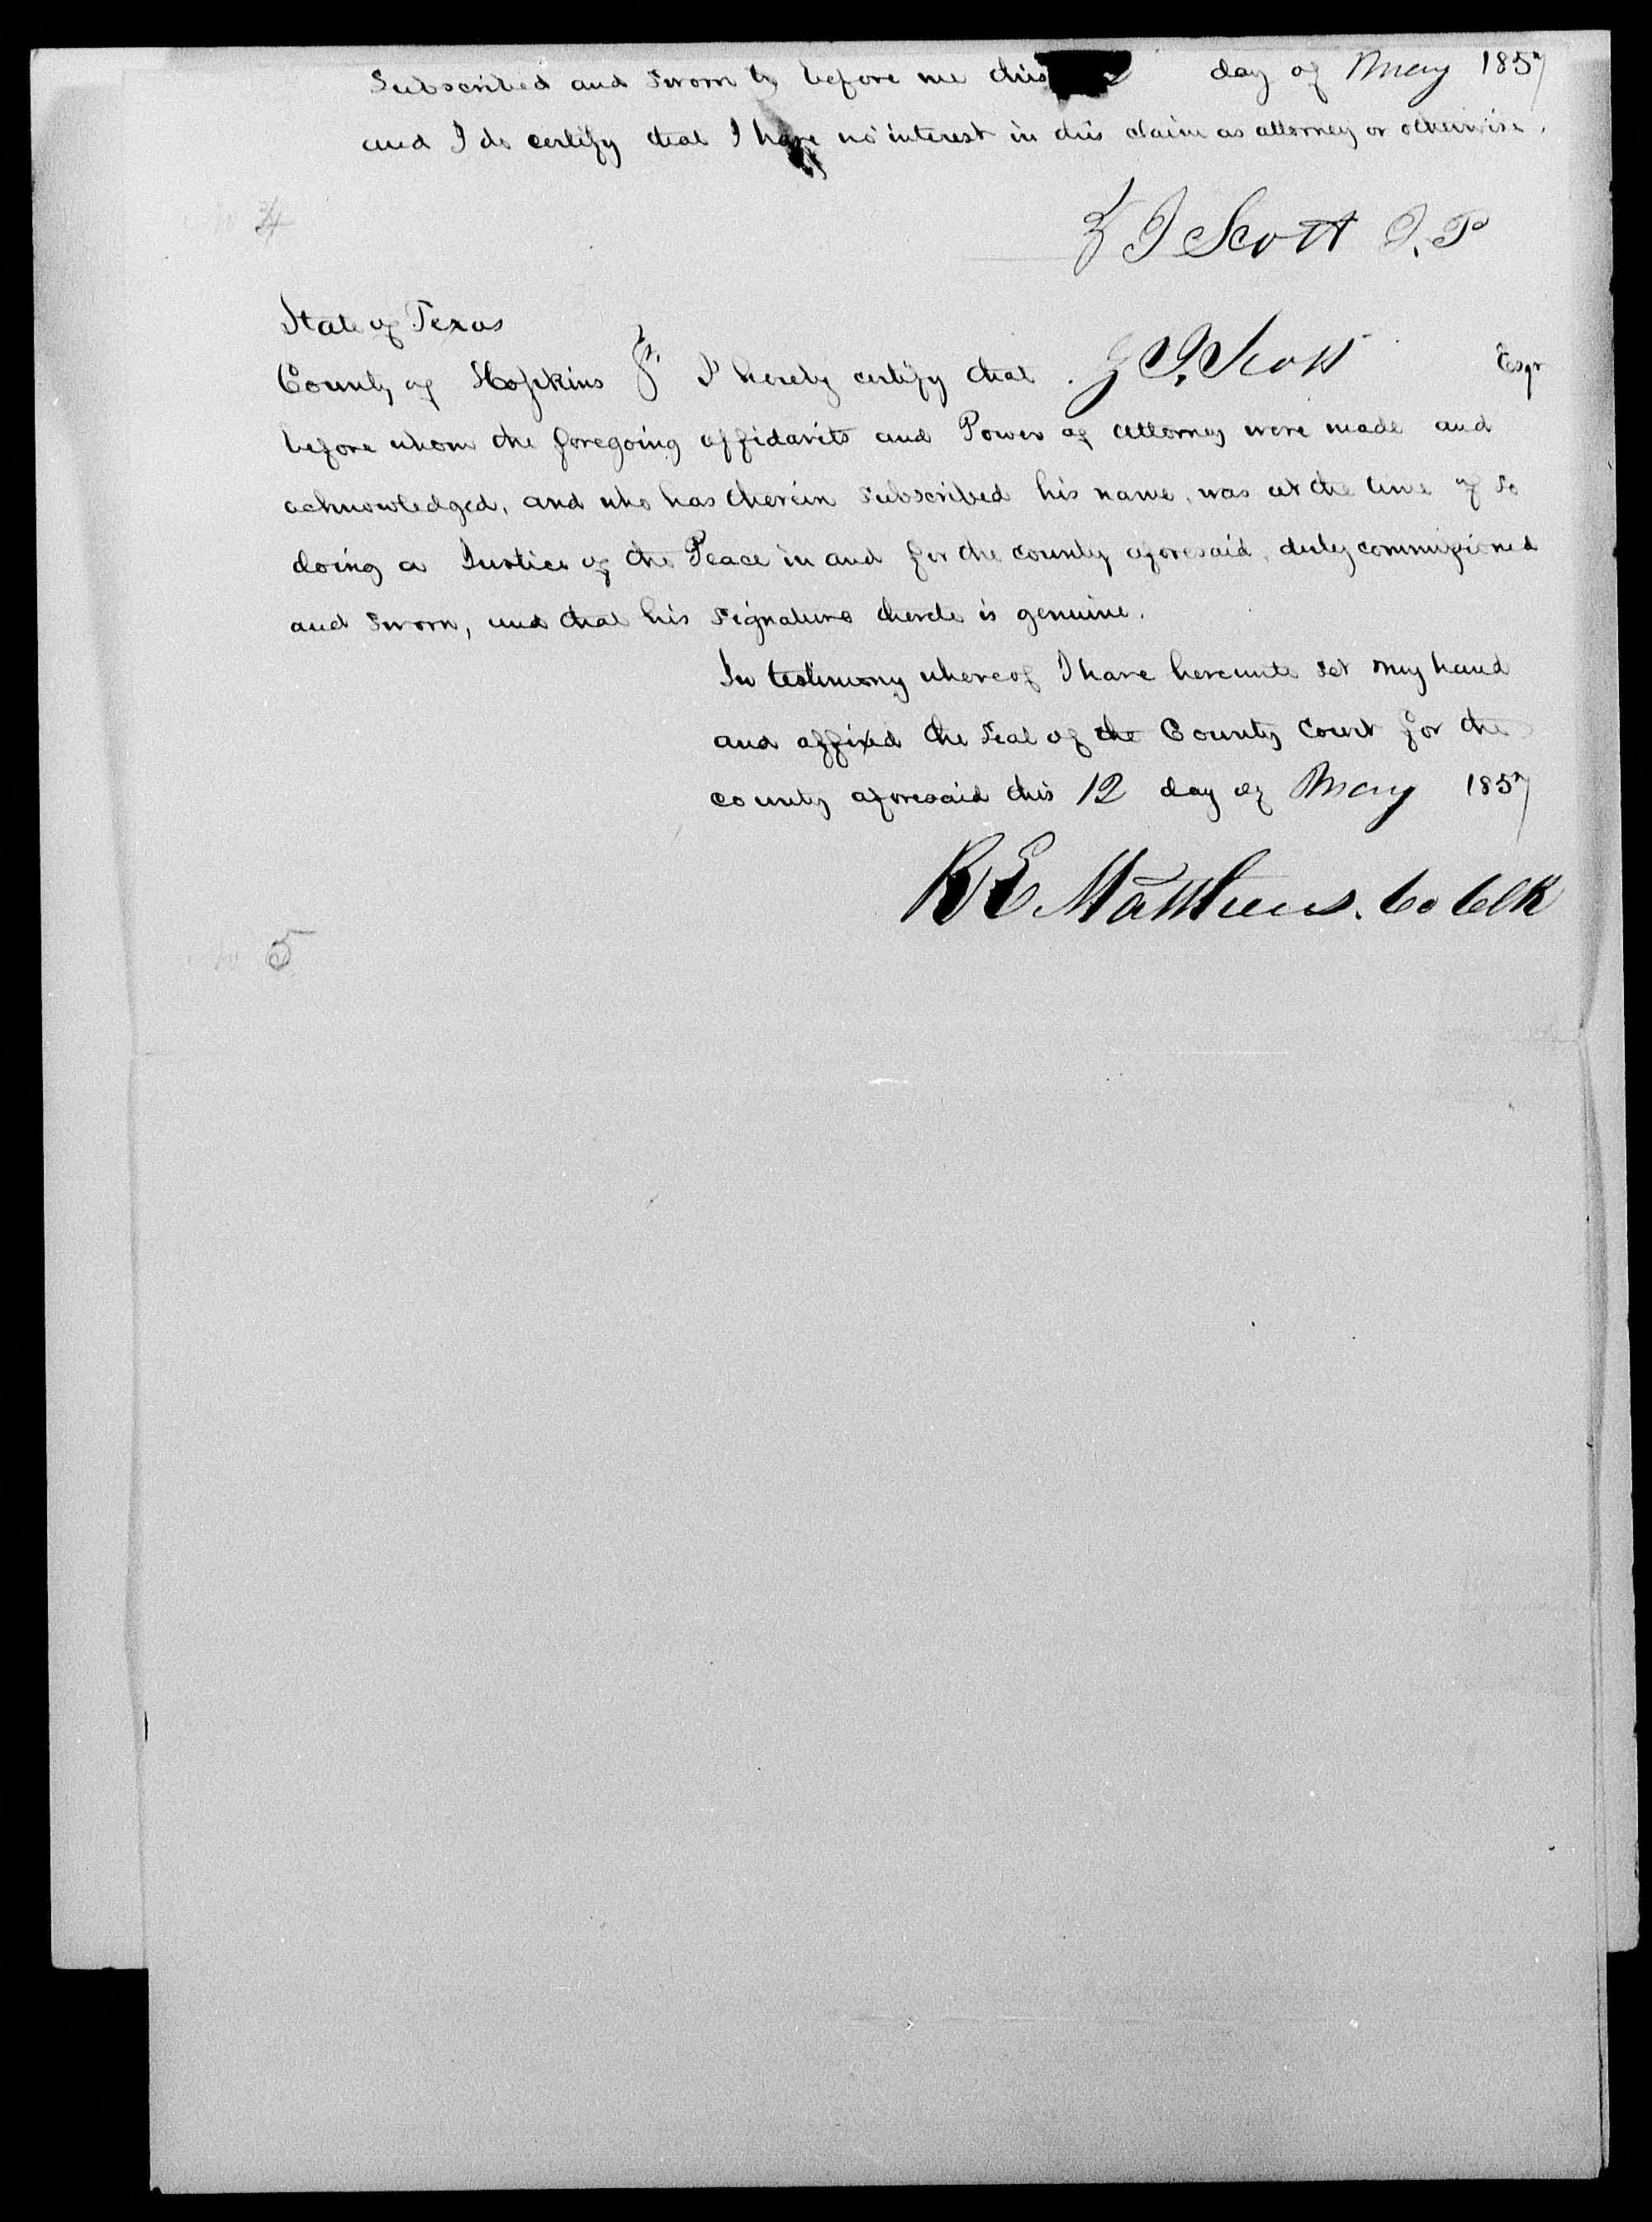Subscribed and sworn to before this 12th day of May 1857 and I do certify that I have no interest in this claim as attorney or otherwise,
Z J Scott J.P

State of Texas
County of Hopkins Ss.
I hereby certify that Z J. Scott Esqr before whom the foregoing affidavit and Power of attorney were made and acknowledged, and who has therein subscribed his name, was at the time of so doing a Justice of the Peace in and for the County aforesaid, duly commissioned and sworn, and that his signature thereto is genuine.
In testimony whereof I have hereunto set my hand and affixed the Seal of the County Court for the County aforesaid this 12 day of May 1857
R E Matthews Co Clk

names: Z J Scott, R E Mattheus, Z J Scott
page: 14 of 27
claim: rejected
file: R. 406, John Baker, S.C.